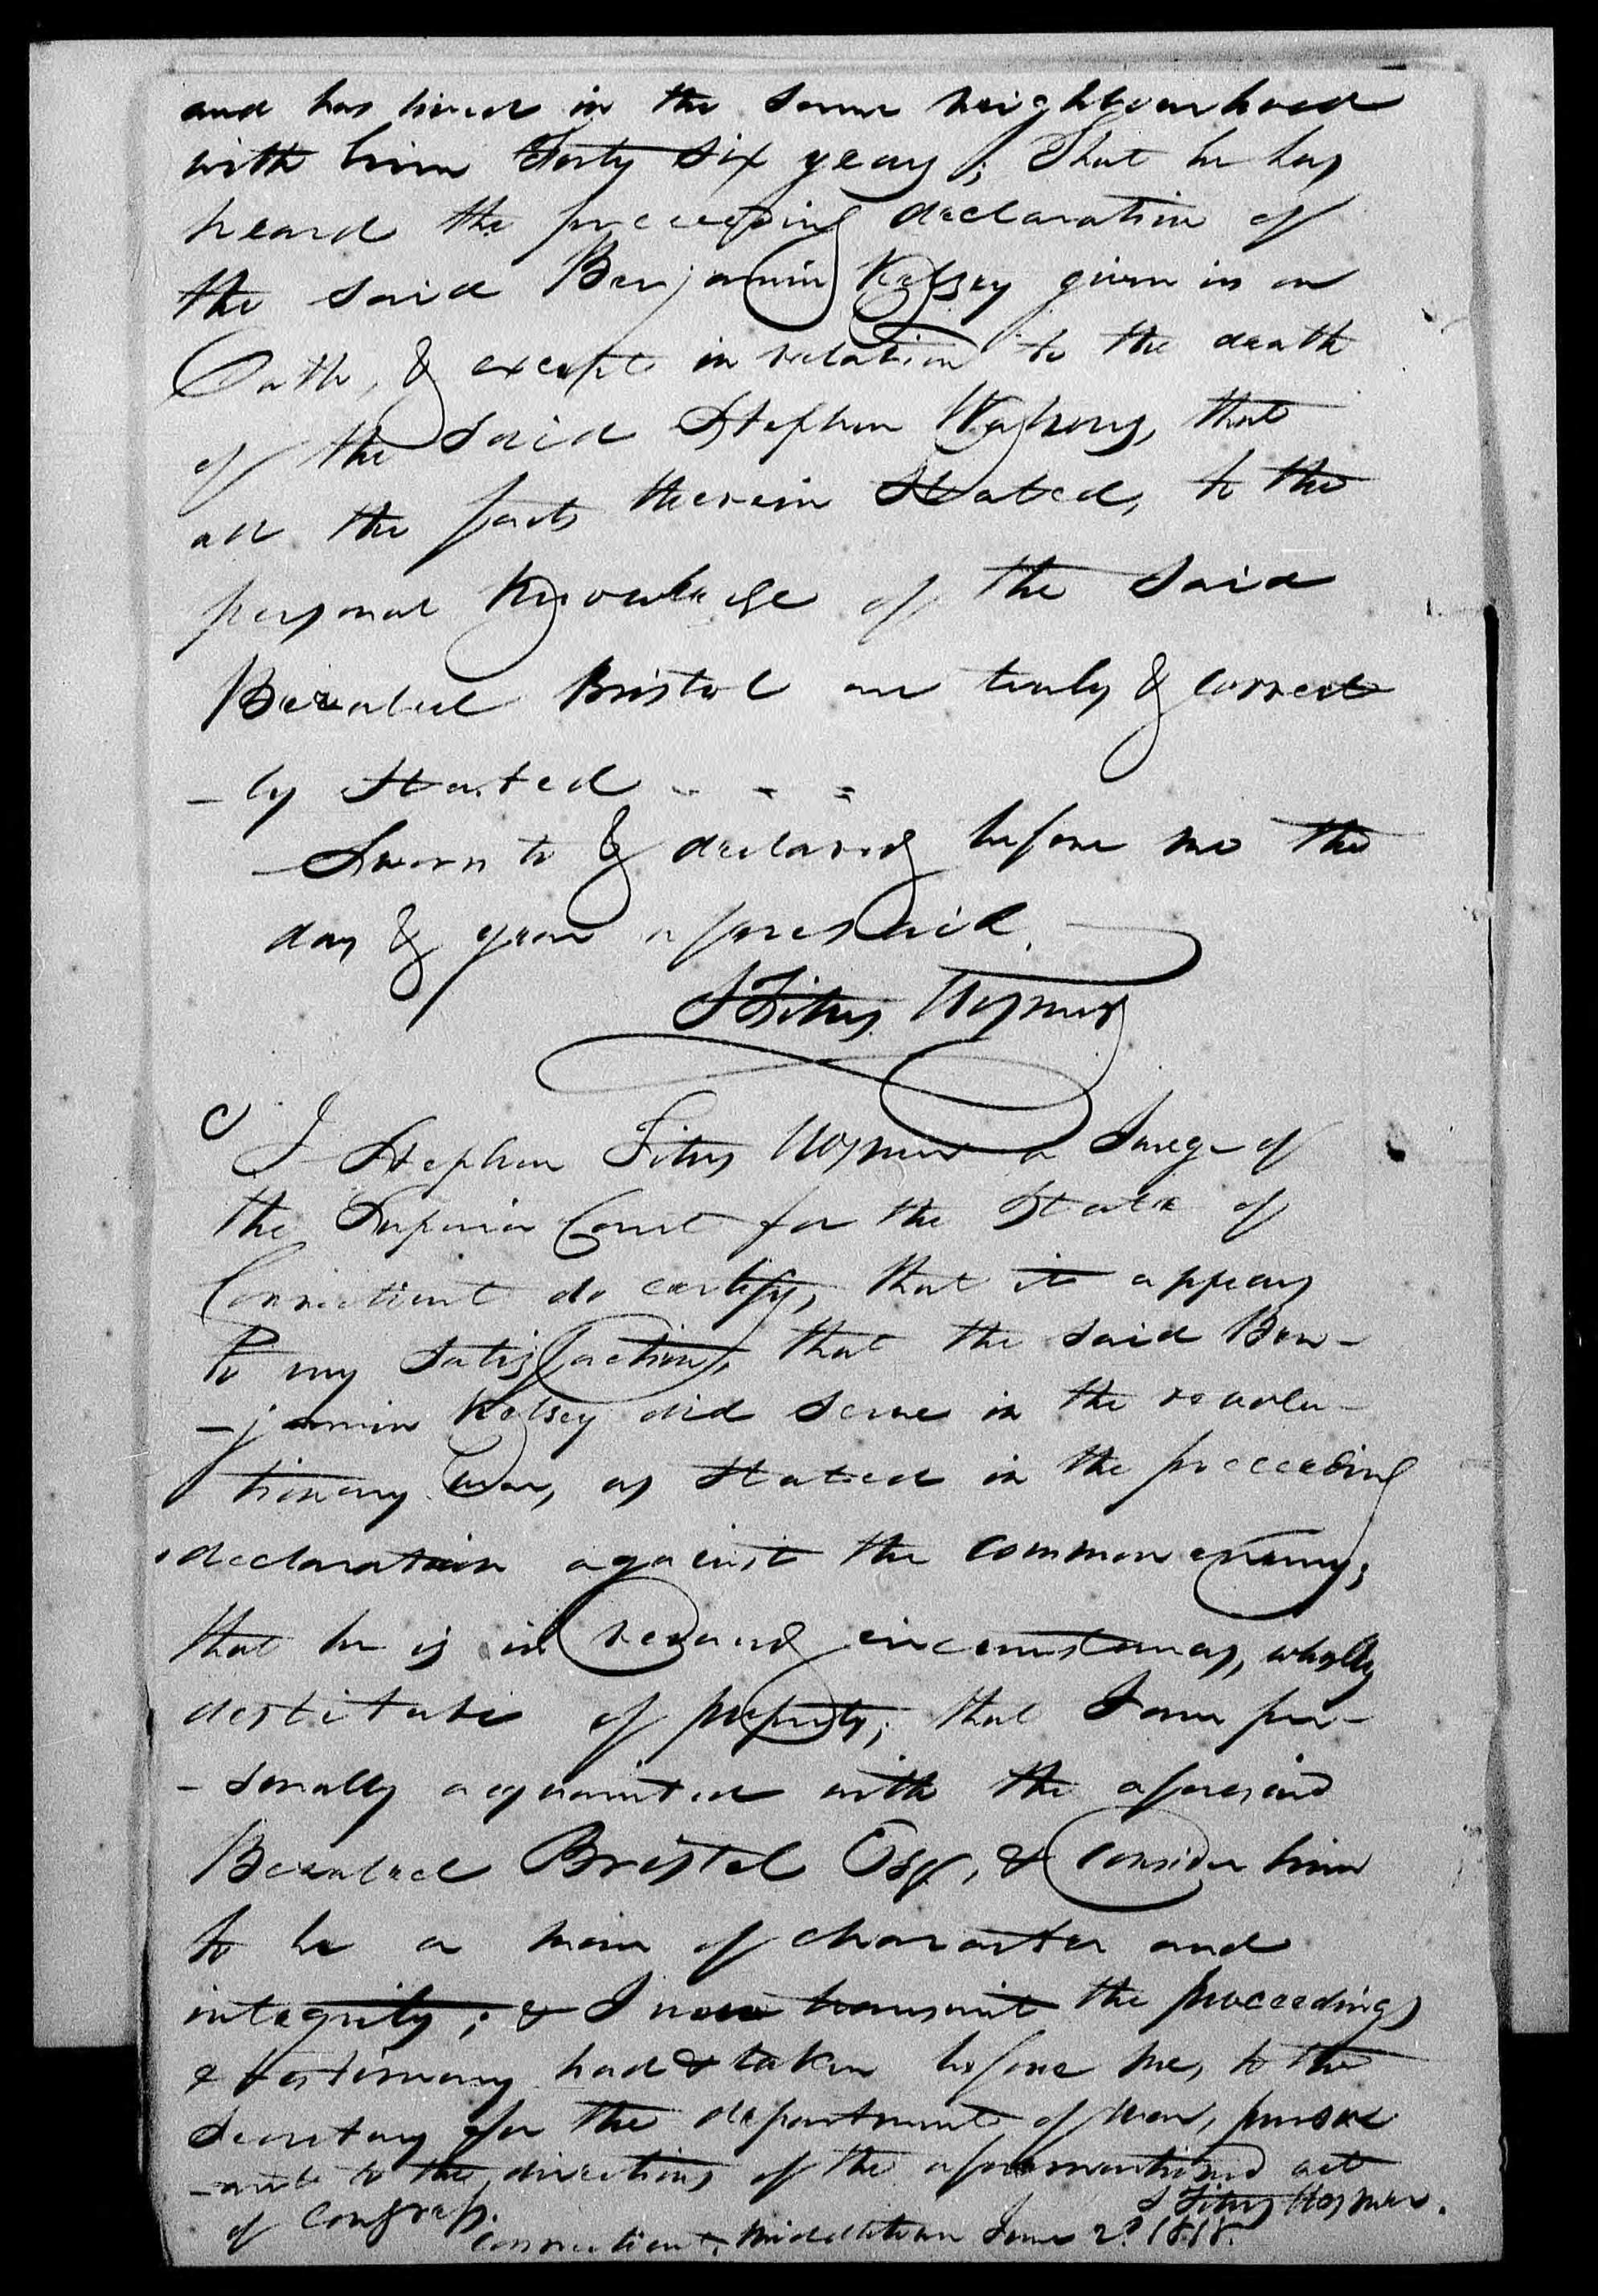and has lived in the same neighborhood with him forty six years; That he has heard the preceeding declaration of the said Benjamin Kelsey given in in Oath & except in relation to the death of the said Stephen Watkins that all the facts therein stated, to the personal knowledge of the said Bezaleel Bristol are truly & correct by Stated  
Sworn to by declared before me the day & year aforesaid 
S. Titus Hosmer 
C
I Stephen Titus Hosmer a Judge of the Superior Court for the State of Connecticut do certify, that it appears to my satisfaction that the said Benjamin Kelsey did serve in the revolutionary war as stated in the proceeding declaration against the common enemy that he is in reduced circumstances wholly destitute of property, that I am personally acquainted with the aforesaid Bezaleel Bristol Esq, & consider him to be a man of character and integrity & I now transmit the proceedings testimony had & taken before me, to the Secretary for the department of War pursuant to the directions of the aforementioned act of Congress
Connecticut  Middletown June 2d 1818 S. Titus Hosmer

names: Benjamin Kelsey; Stephen Watsons; Bezaleel Bristol; Stephen Titus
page: 12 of 21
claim: survivor's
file: S. 36676, for Benjamin Kelsey, Connecticut